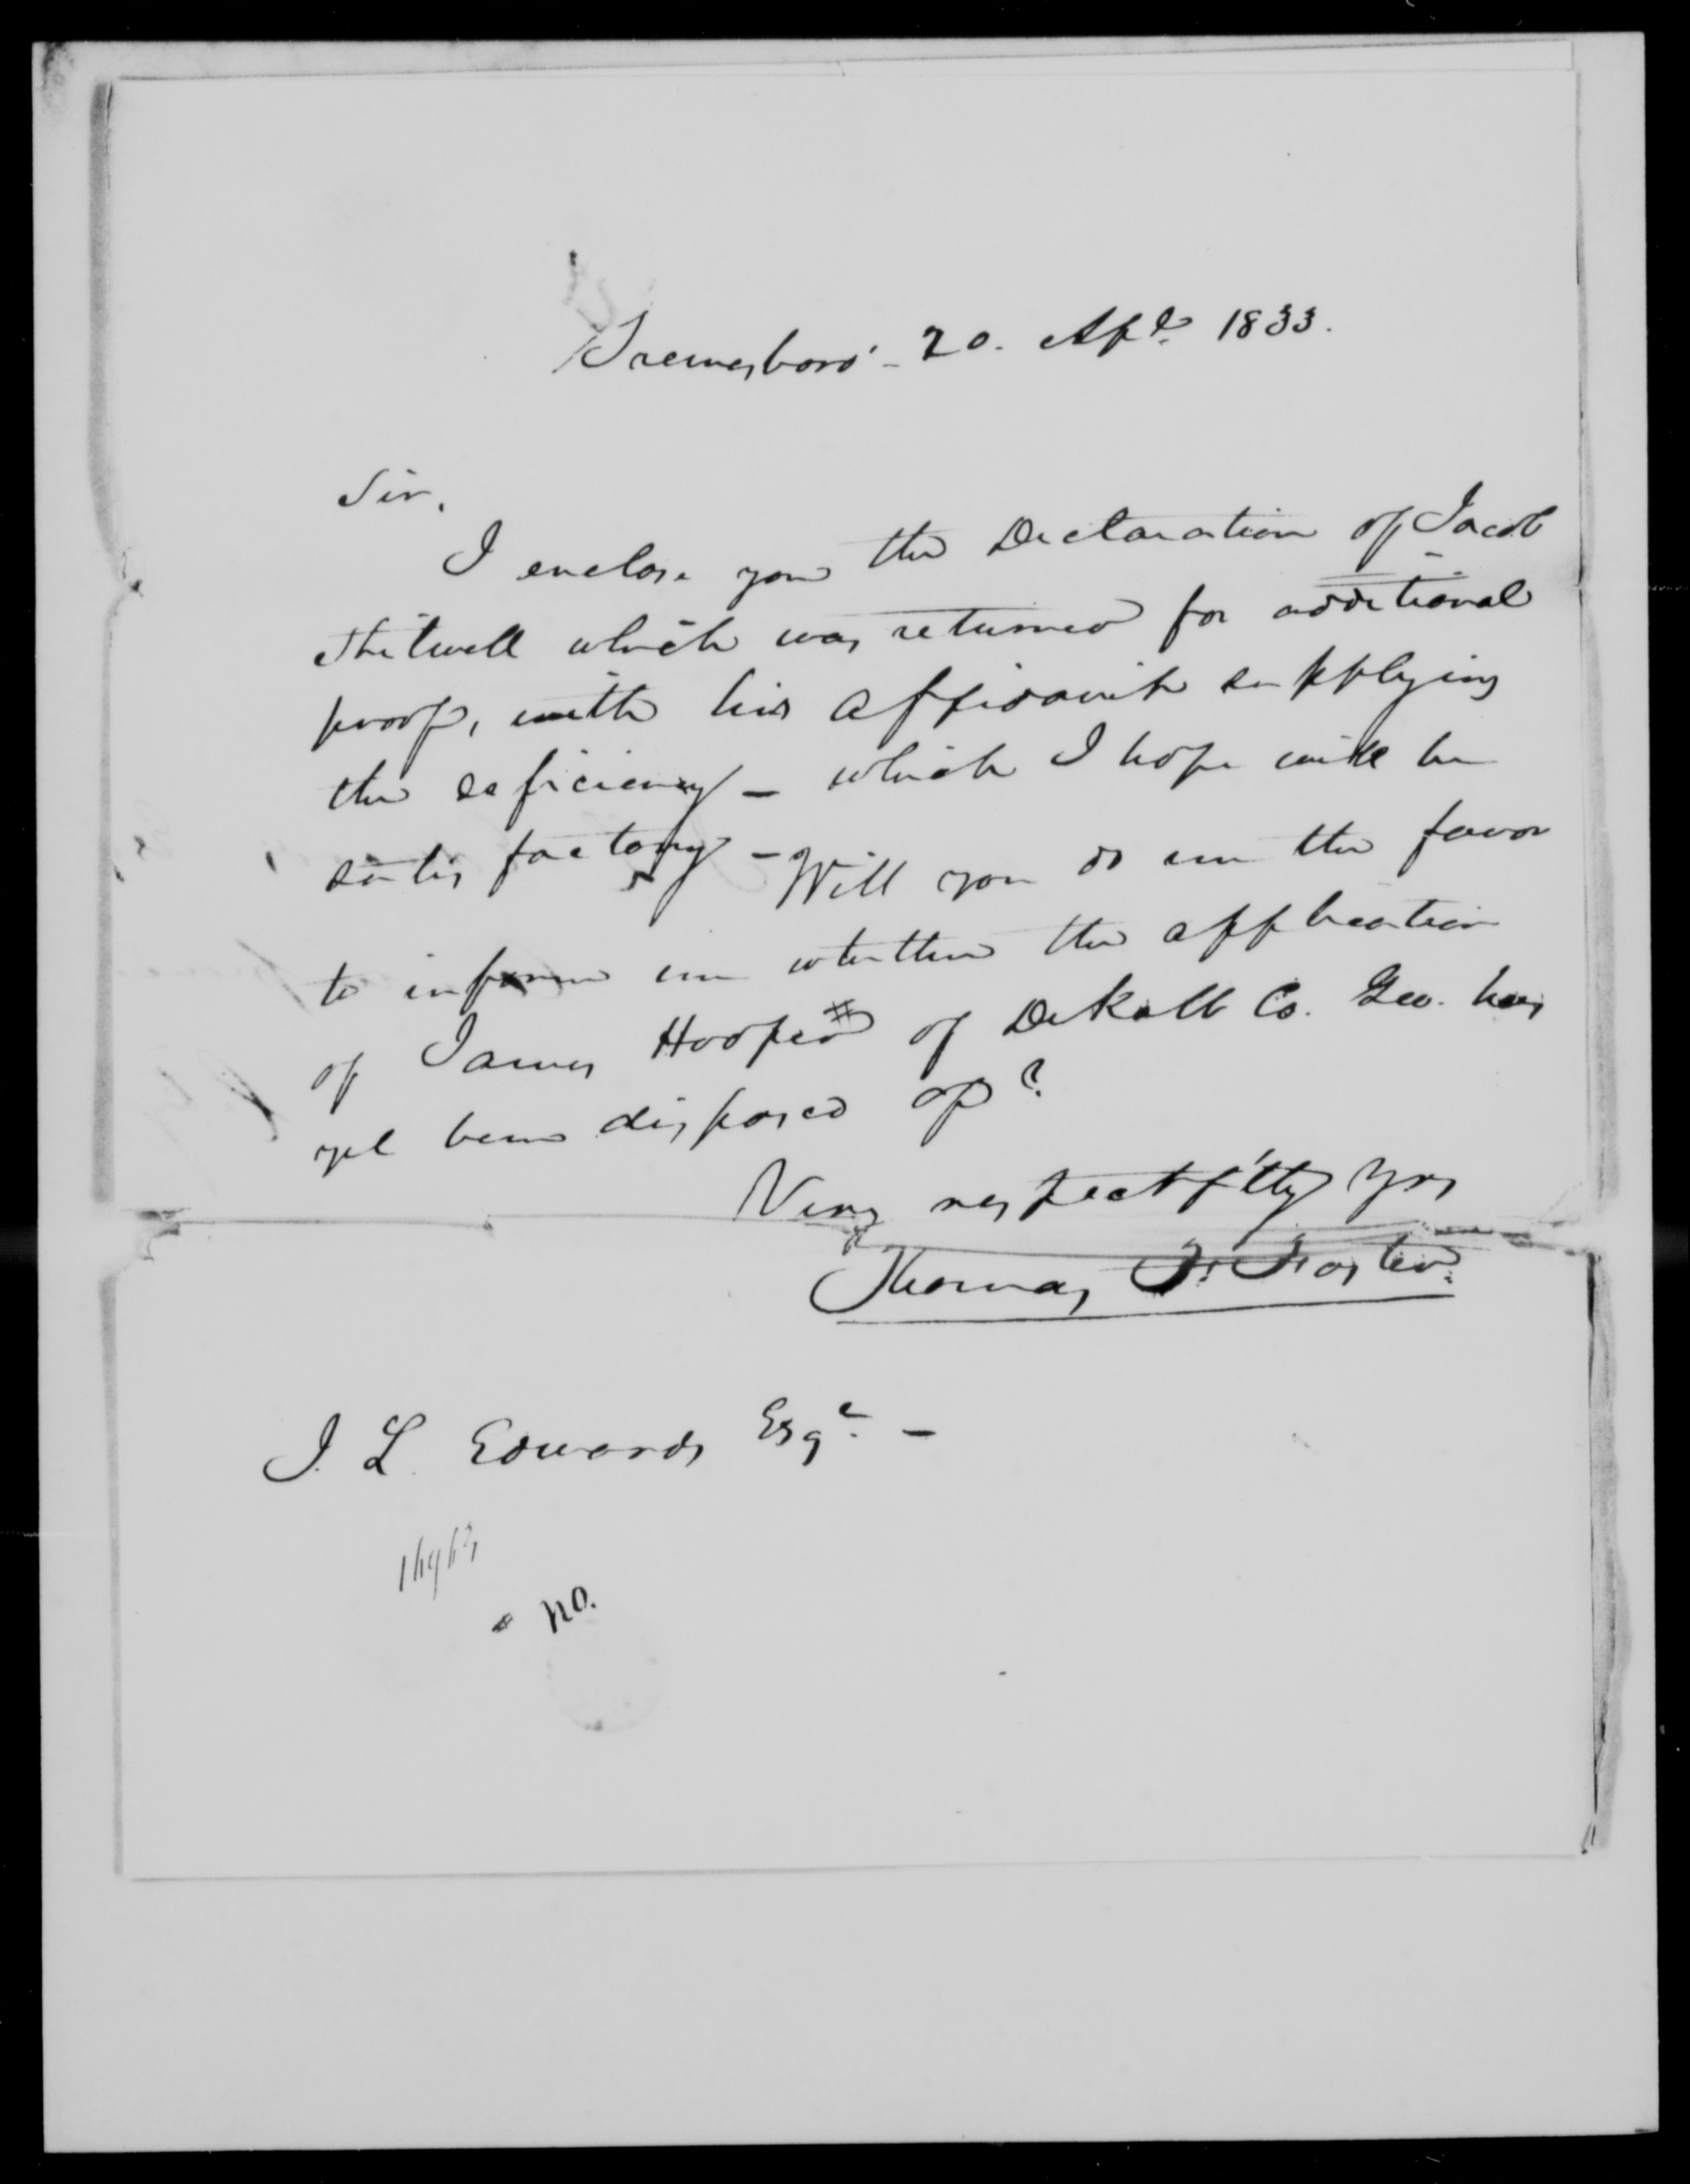Greensboro, 20 Apl 1833
Sir,
I enclose you
the Declaration of Jacob
Shelwell which was returned for additional
proof, with his affidavit supplying
the deficiency, which I hope will be
satisfactory-Will you do mr the favor
to inform me whether the application
James Hooper of Dekalb Co. Geo. has
yet been disposed of
Very respectfully yr
Thomas F.Foster
J. L. Edwards Esqr
[illegible]
 # No.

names: Jacob Stilwell; Geo [BLANK]; Thomas F Foster; James Hooper; J L Edwards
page: 24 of 25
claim: survivor's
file: S. 31,993, for Jacob Stillwell, North Carolina